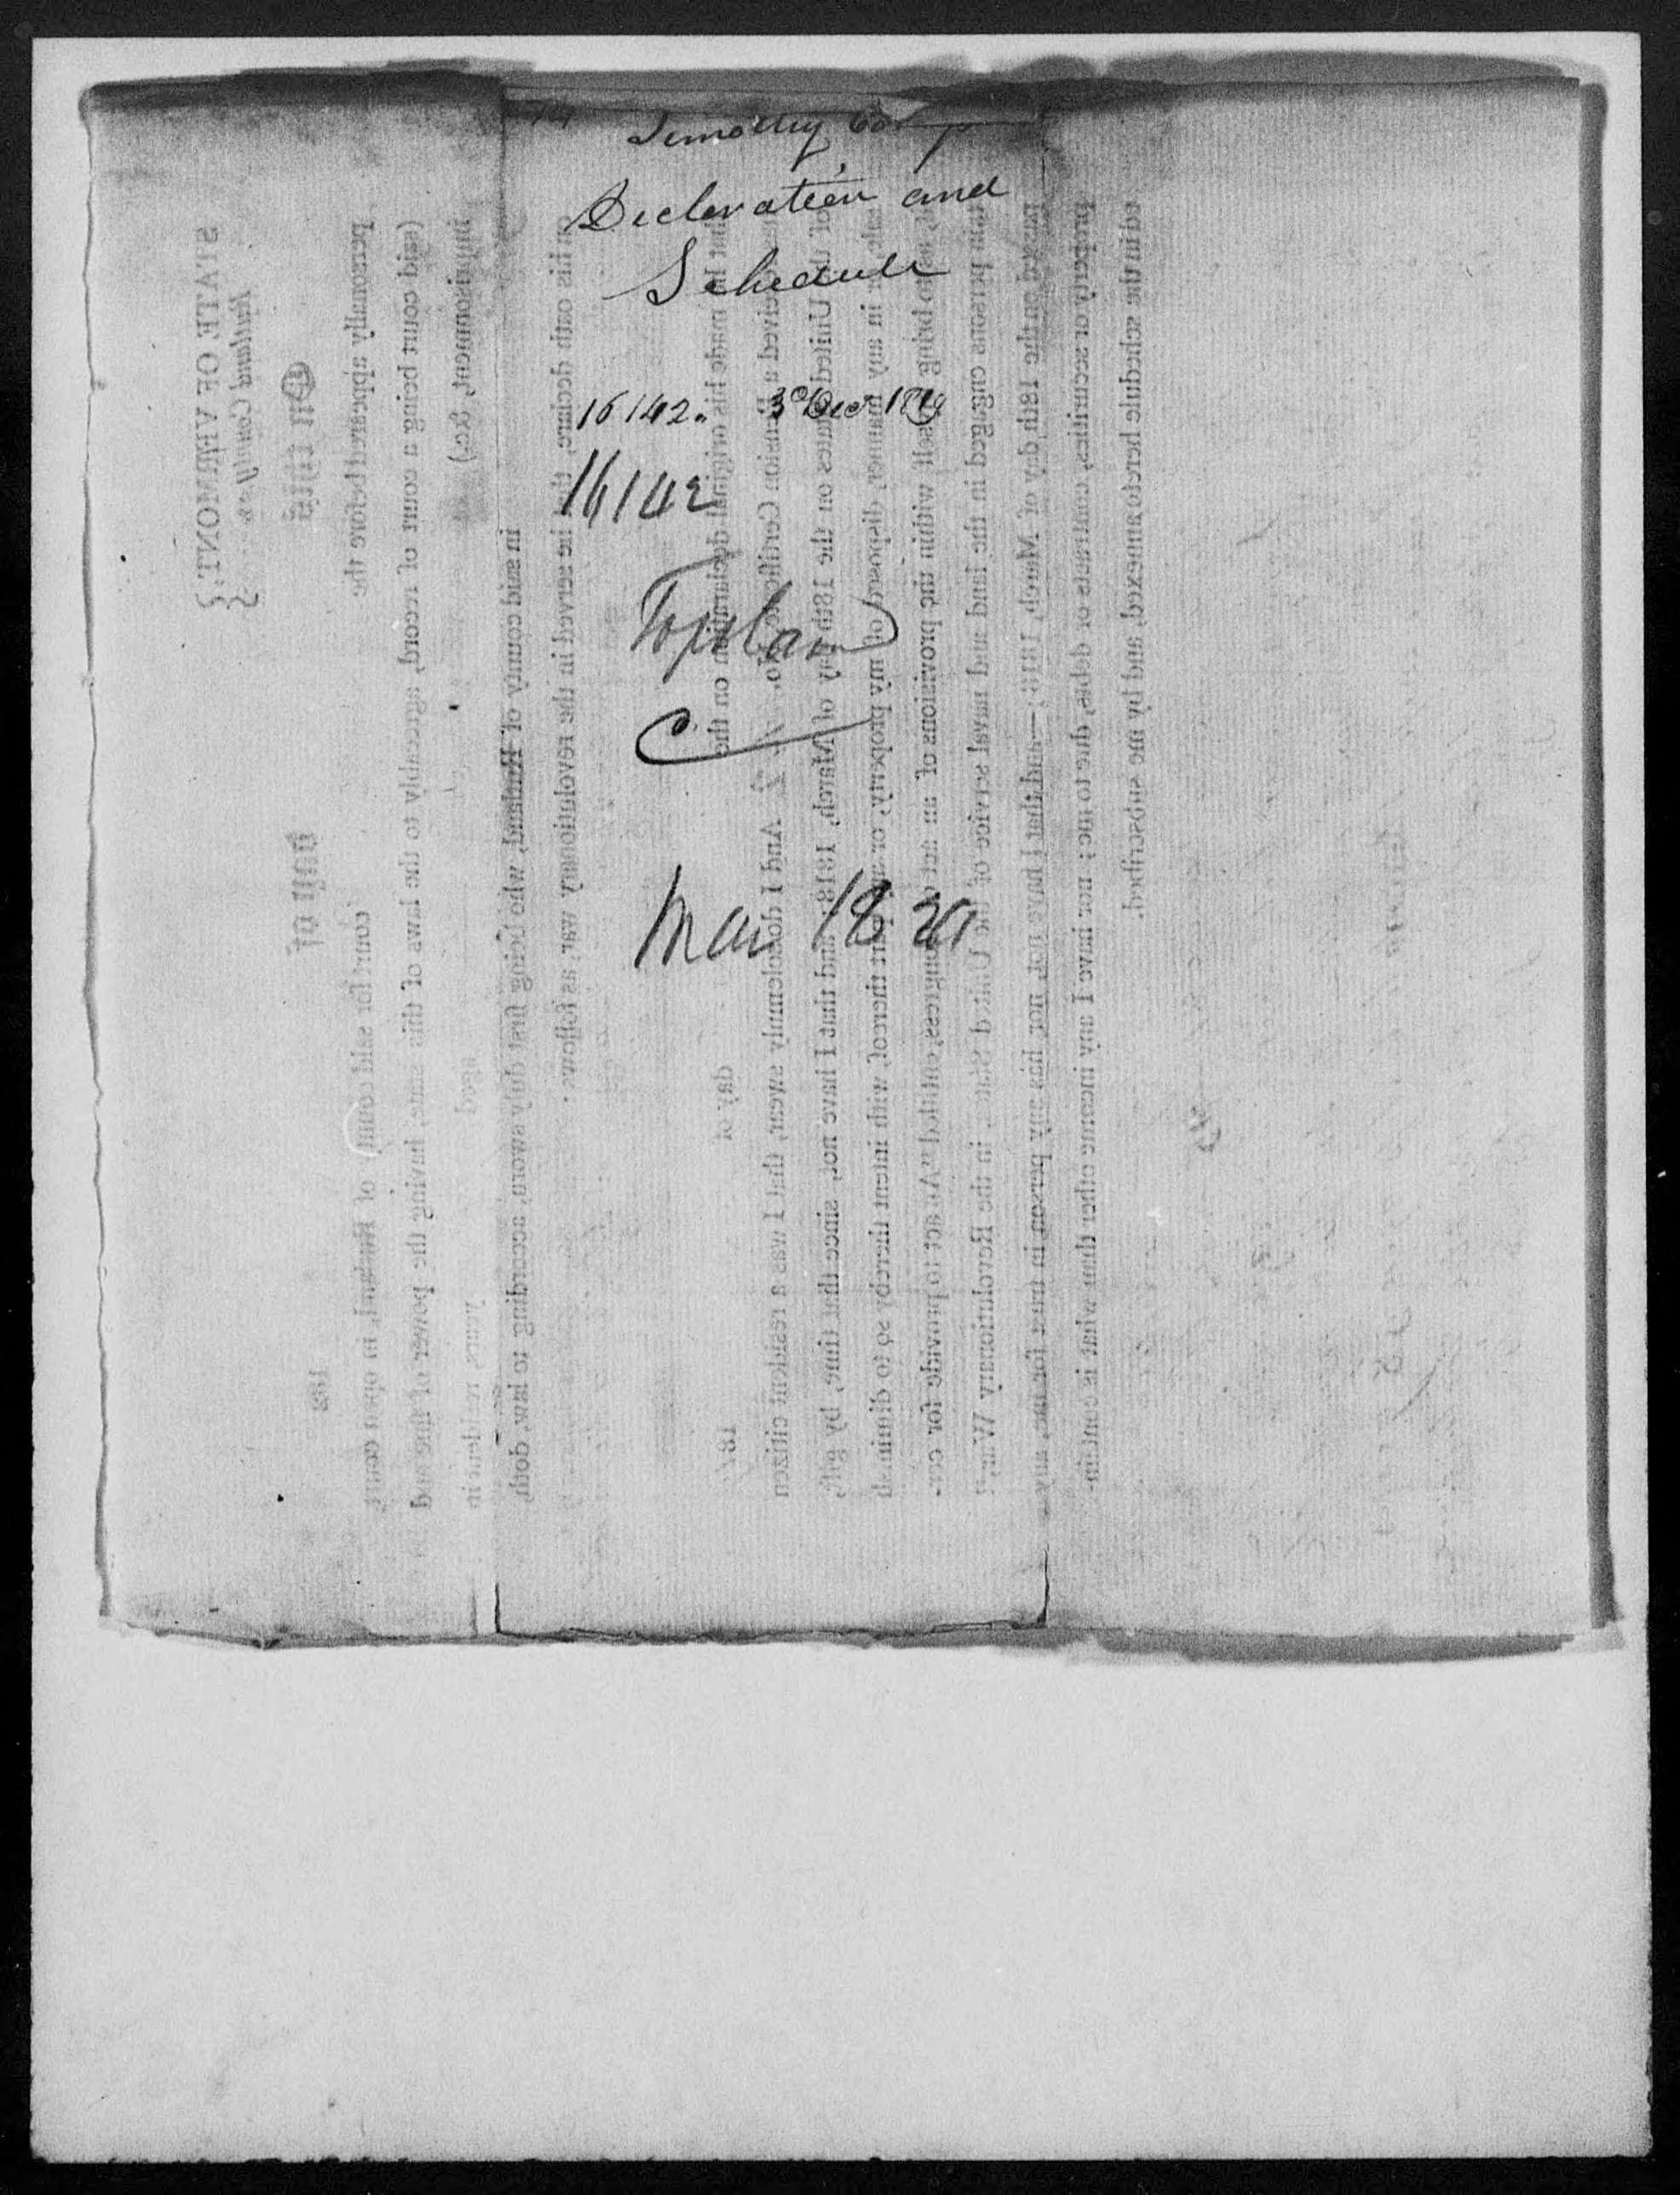Timothy Corless
Declaration and Schedule
16142 3rd December 1819
16142
Topsham
March 1829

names: Timothy Corless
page: 6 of 34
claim: widow's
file: W. 20,896, Timothy Corless, Continental Mass